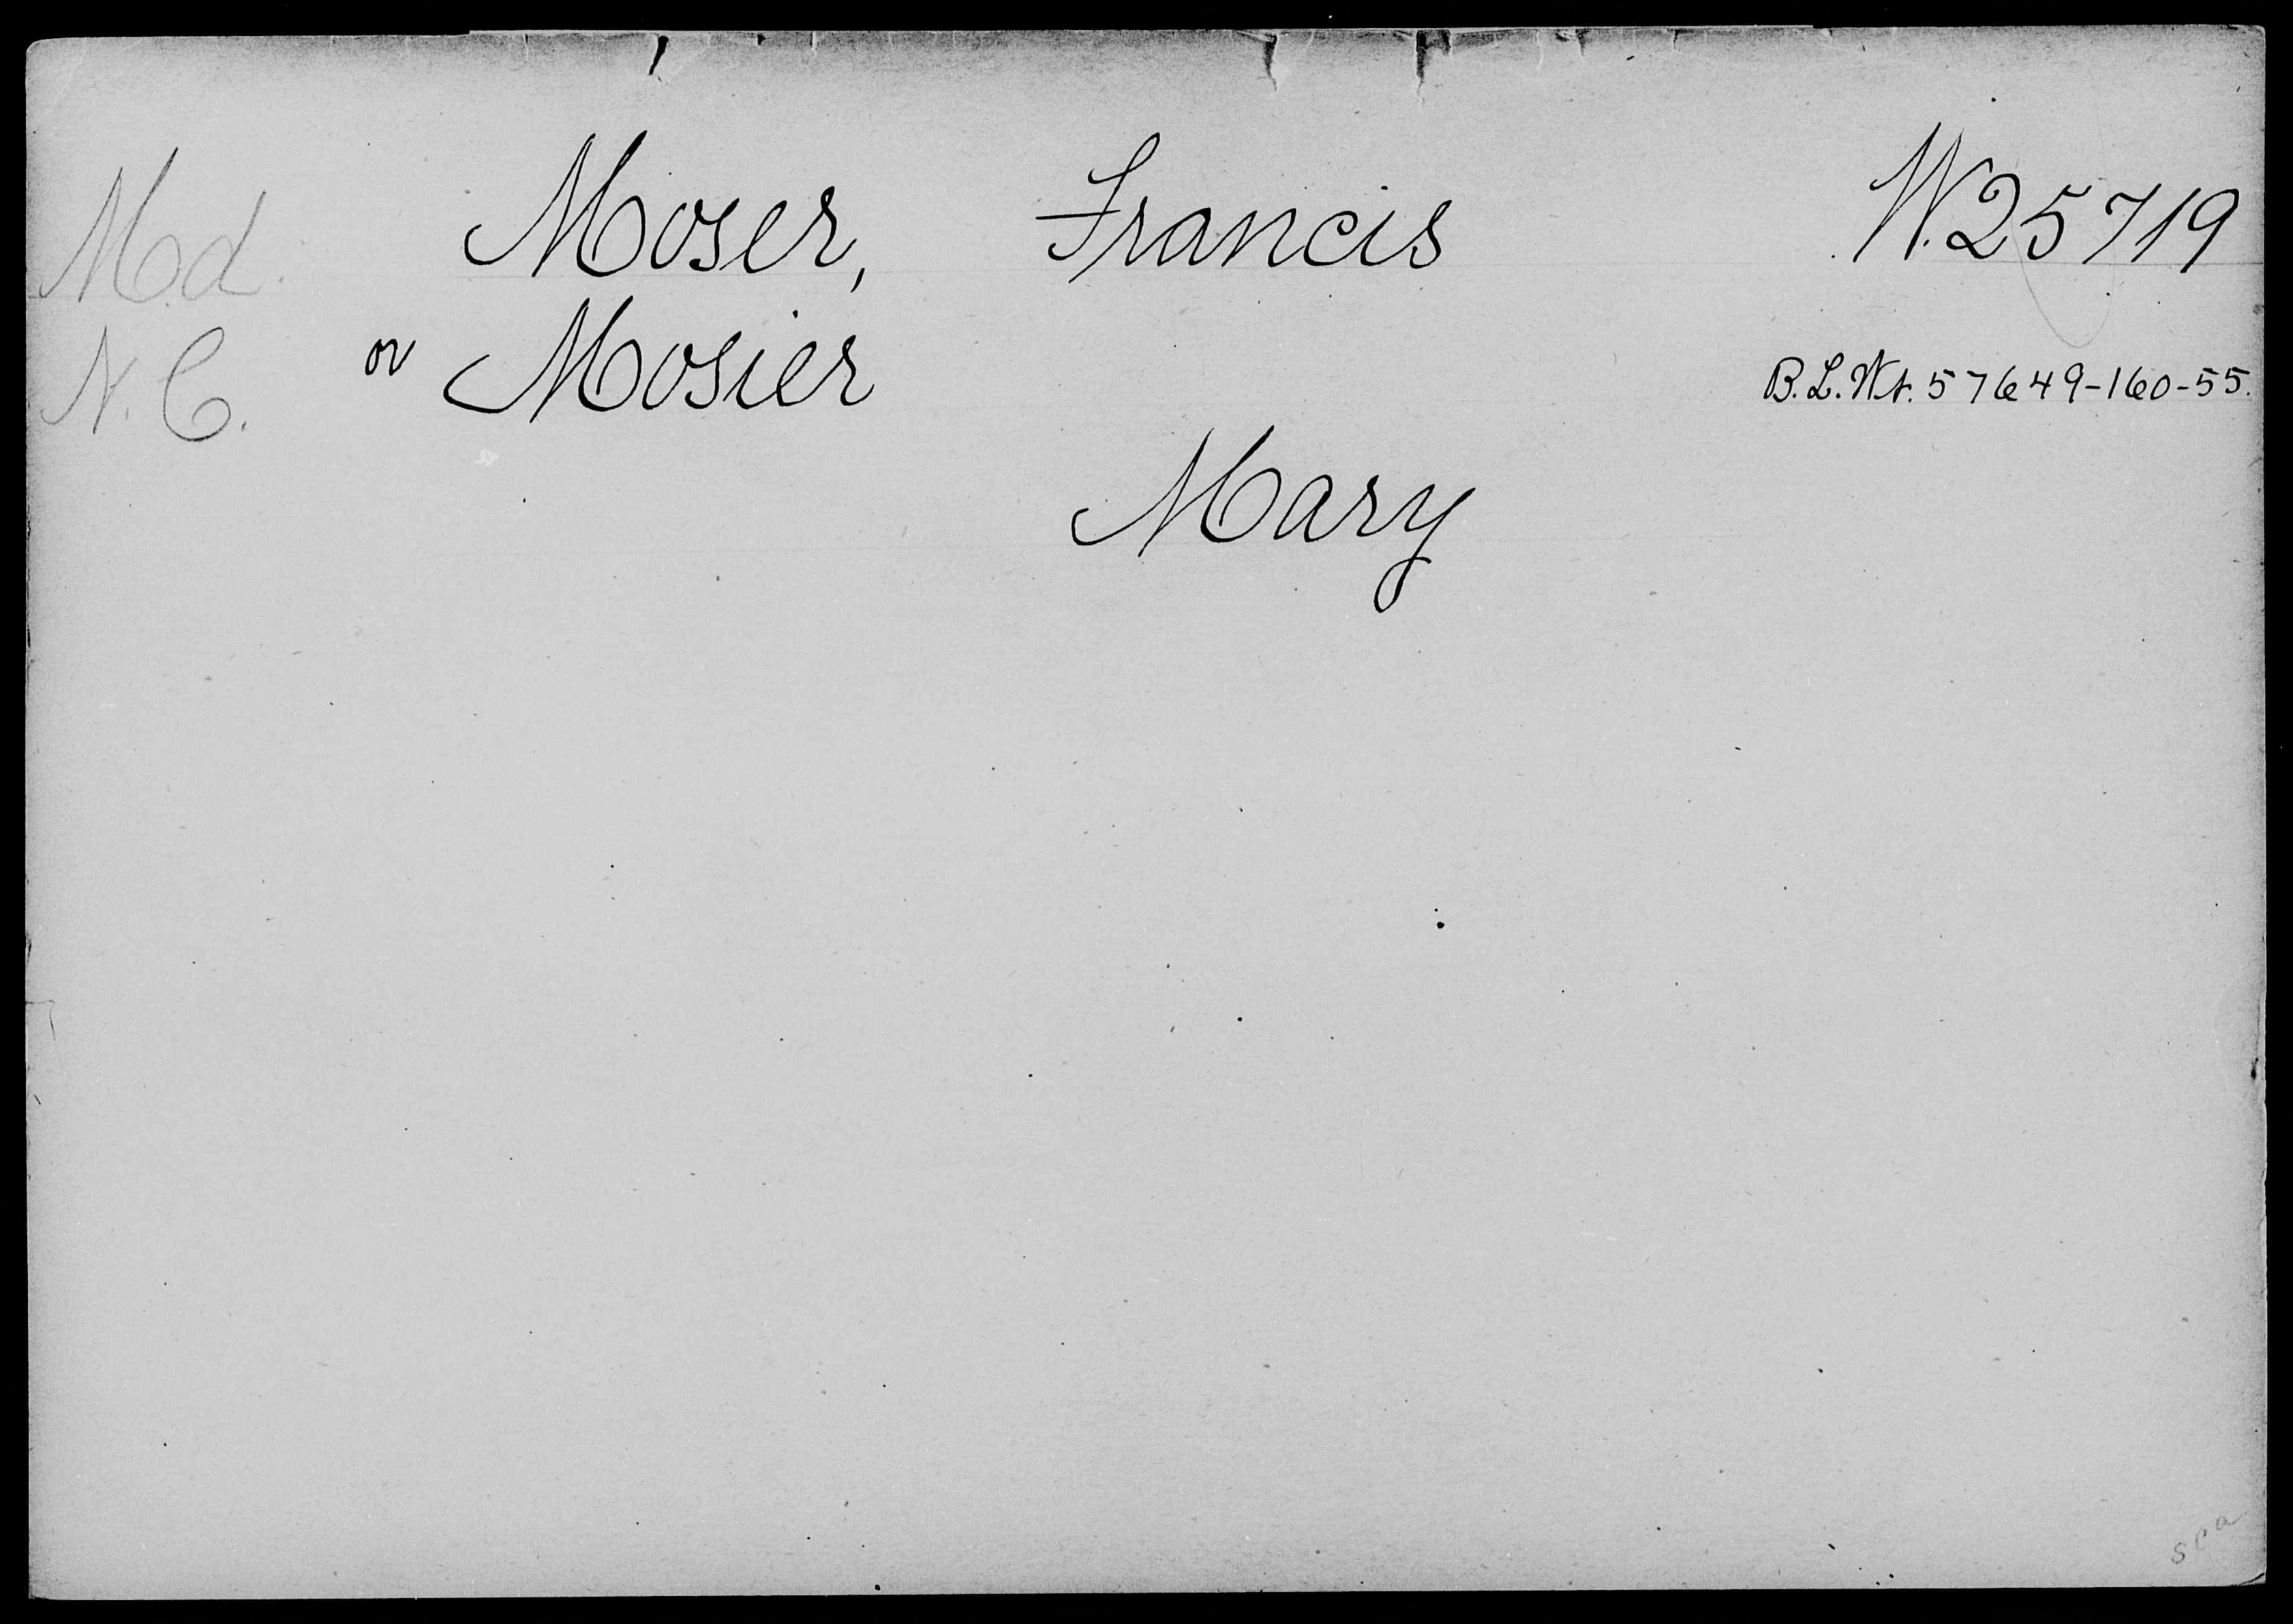State
MD
NC

Name
Moser, Francis  
or Mosier

Mary

Number
W.25719
B.L.M. 57649-160-55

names: Francis Mosier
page: 1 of 1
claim: widow's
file: W. 25719, for Francis Moser, Maryland